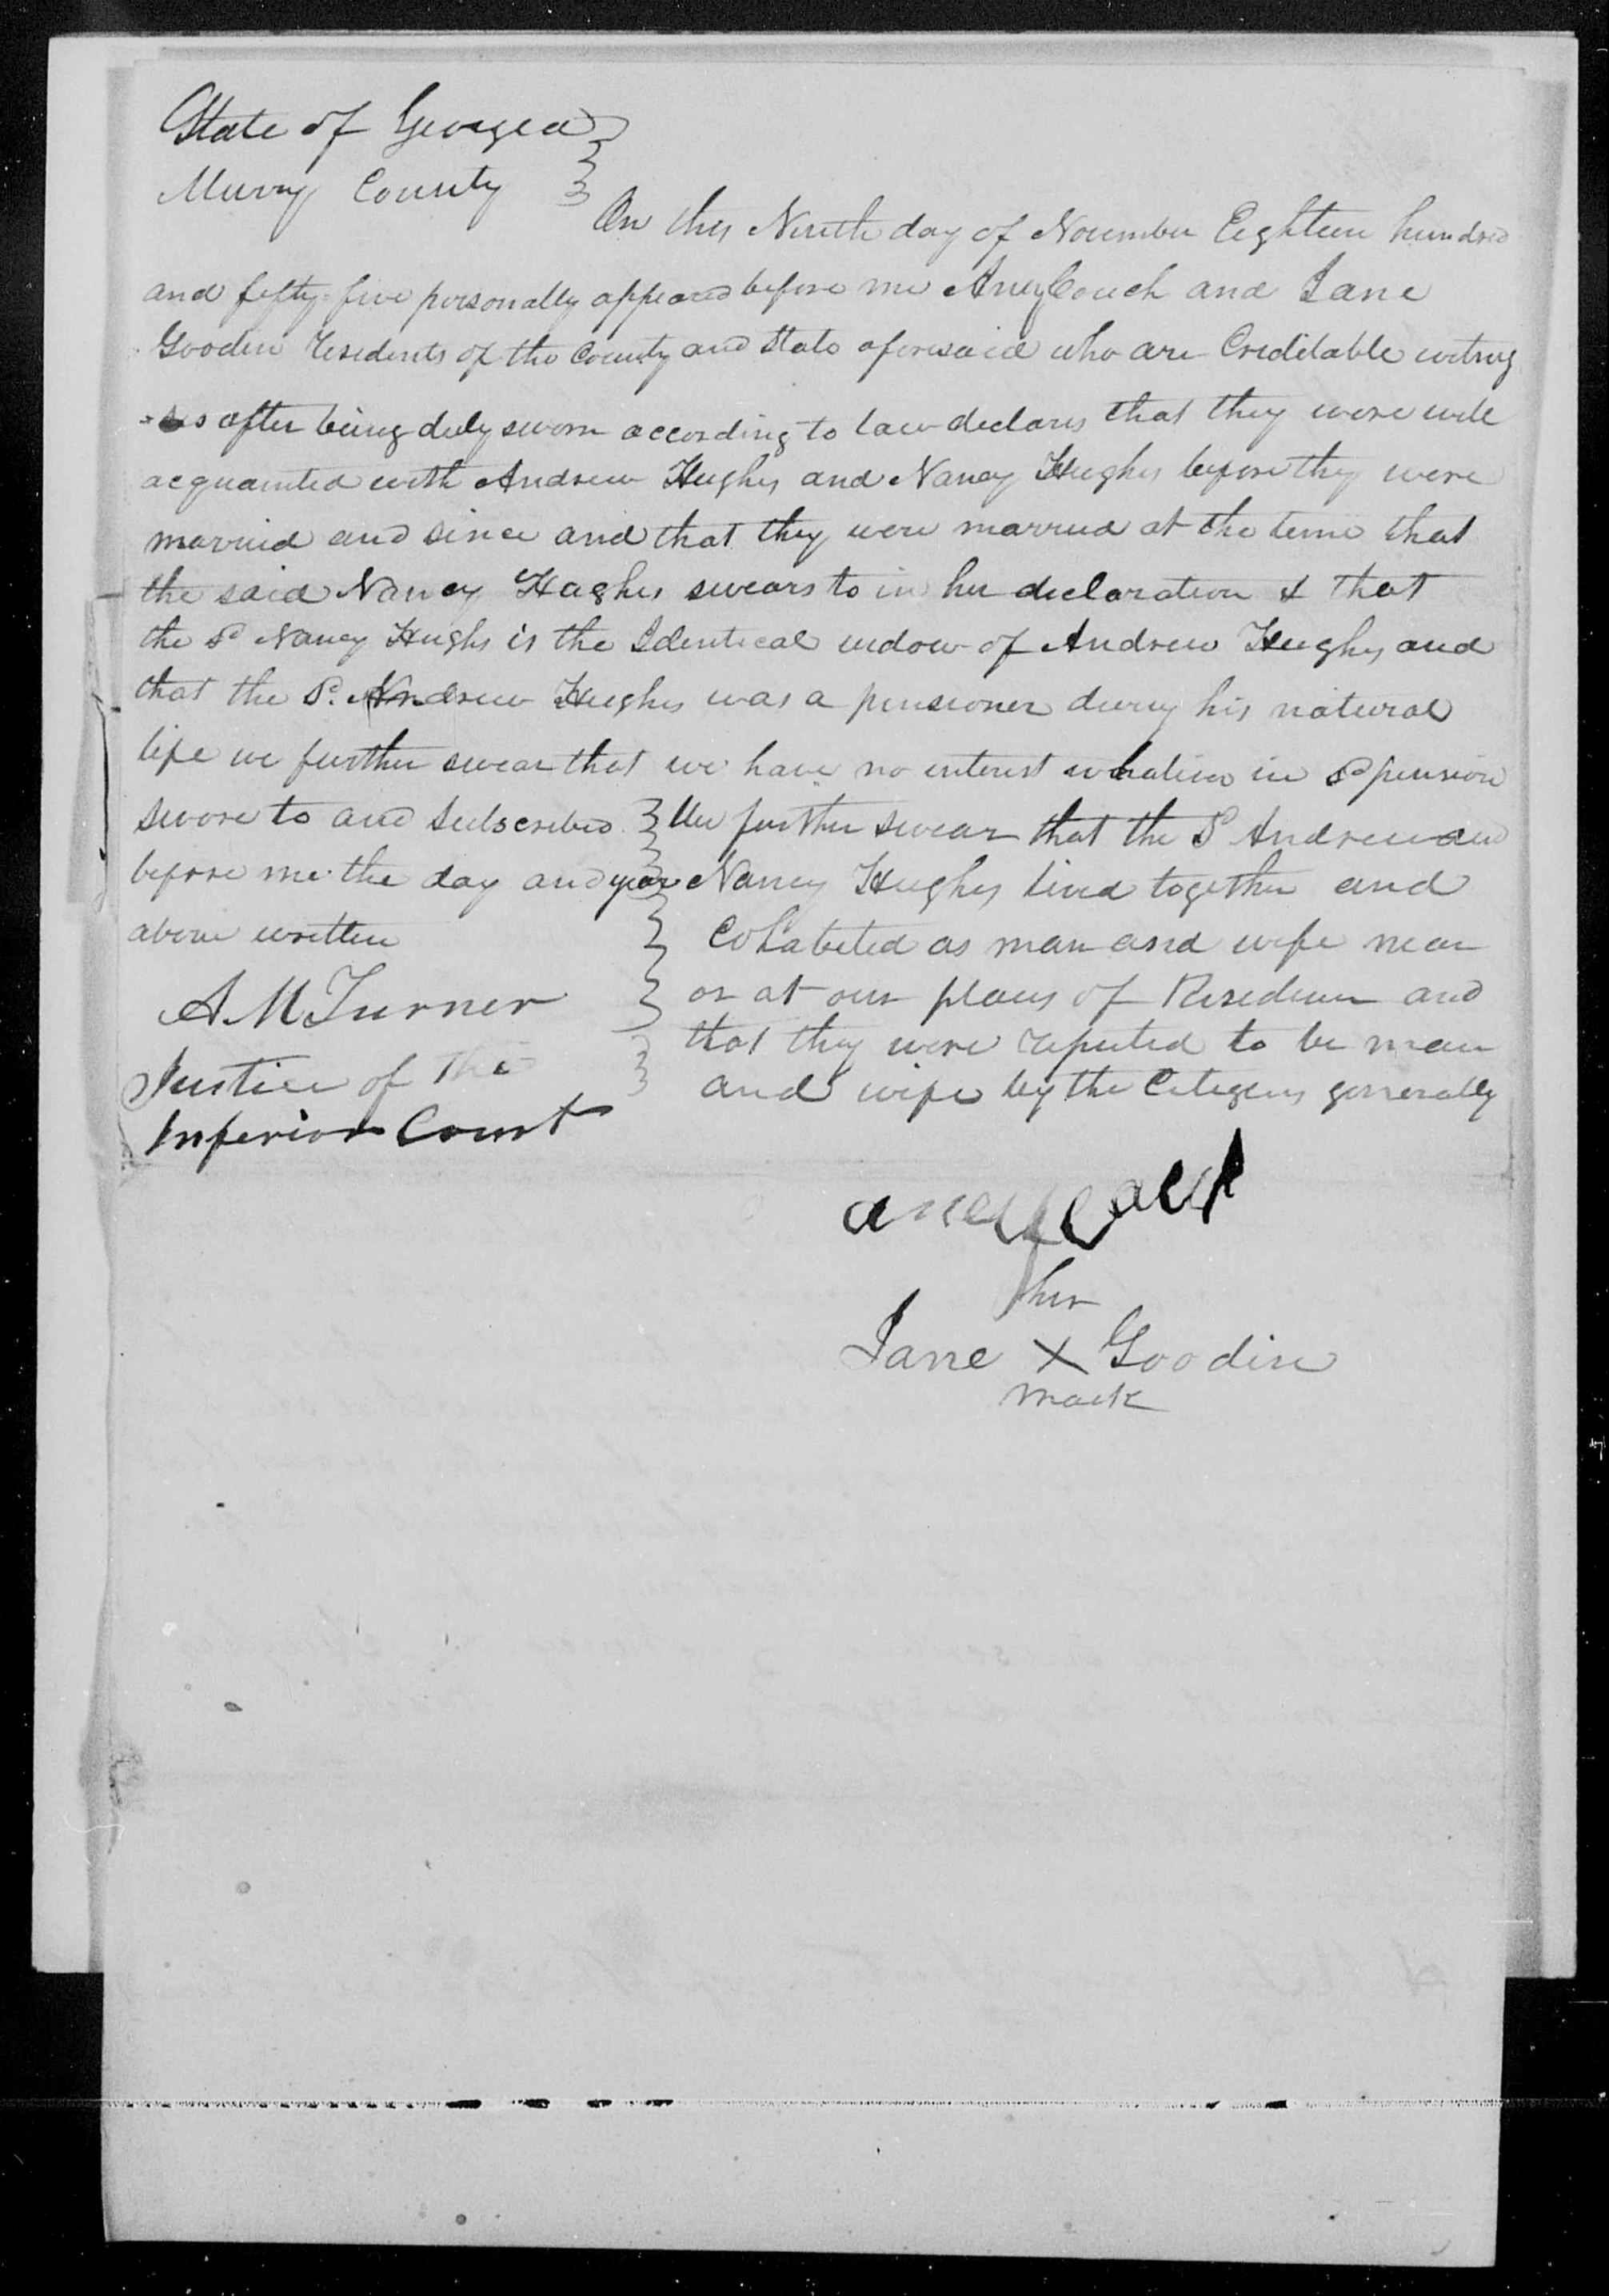State of Georgia
Murry County
On this Ninth day of November Eighteen hundred and fifty five personally appeared before me Aney Couch and Jane Goodin residents of the county and state aforesaid who are Credible witnesses after being duly sworn according to law declares that they were each acquainted with Andrew Hughes and Nancy Hughes before they were married and since and that they were married at the time that the said Nancy Hughes swears to in her declaration & that this Nancy Hughes is the identical widow of Andrew Hughes and that this Andrew Hughes was a pensioner during his natural life we further swear that we have no interest whatever in a pension.  We further swear that this Andrew and Nancy Hughes lived together and cohabitated as man and wife near or at our place of Residence and that they were reputed to be man and wife by the citizens generally.

Sworn to and subscribed before me this day and year above written
A. M. Turner Justice of the Inferior Court

Aney Couch
Jane Goodin
X his mark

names: Aney Couch, Andrew Hughes, Nancy Hughes, Jane Goodin, A M Turner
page: 14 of 75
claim: widow's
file: W. 25805, Andrew Hughes, N.C.